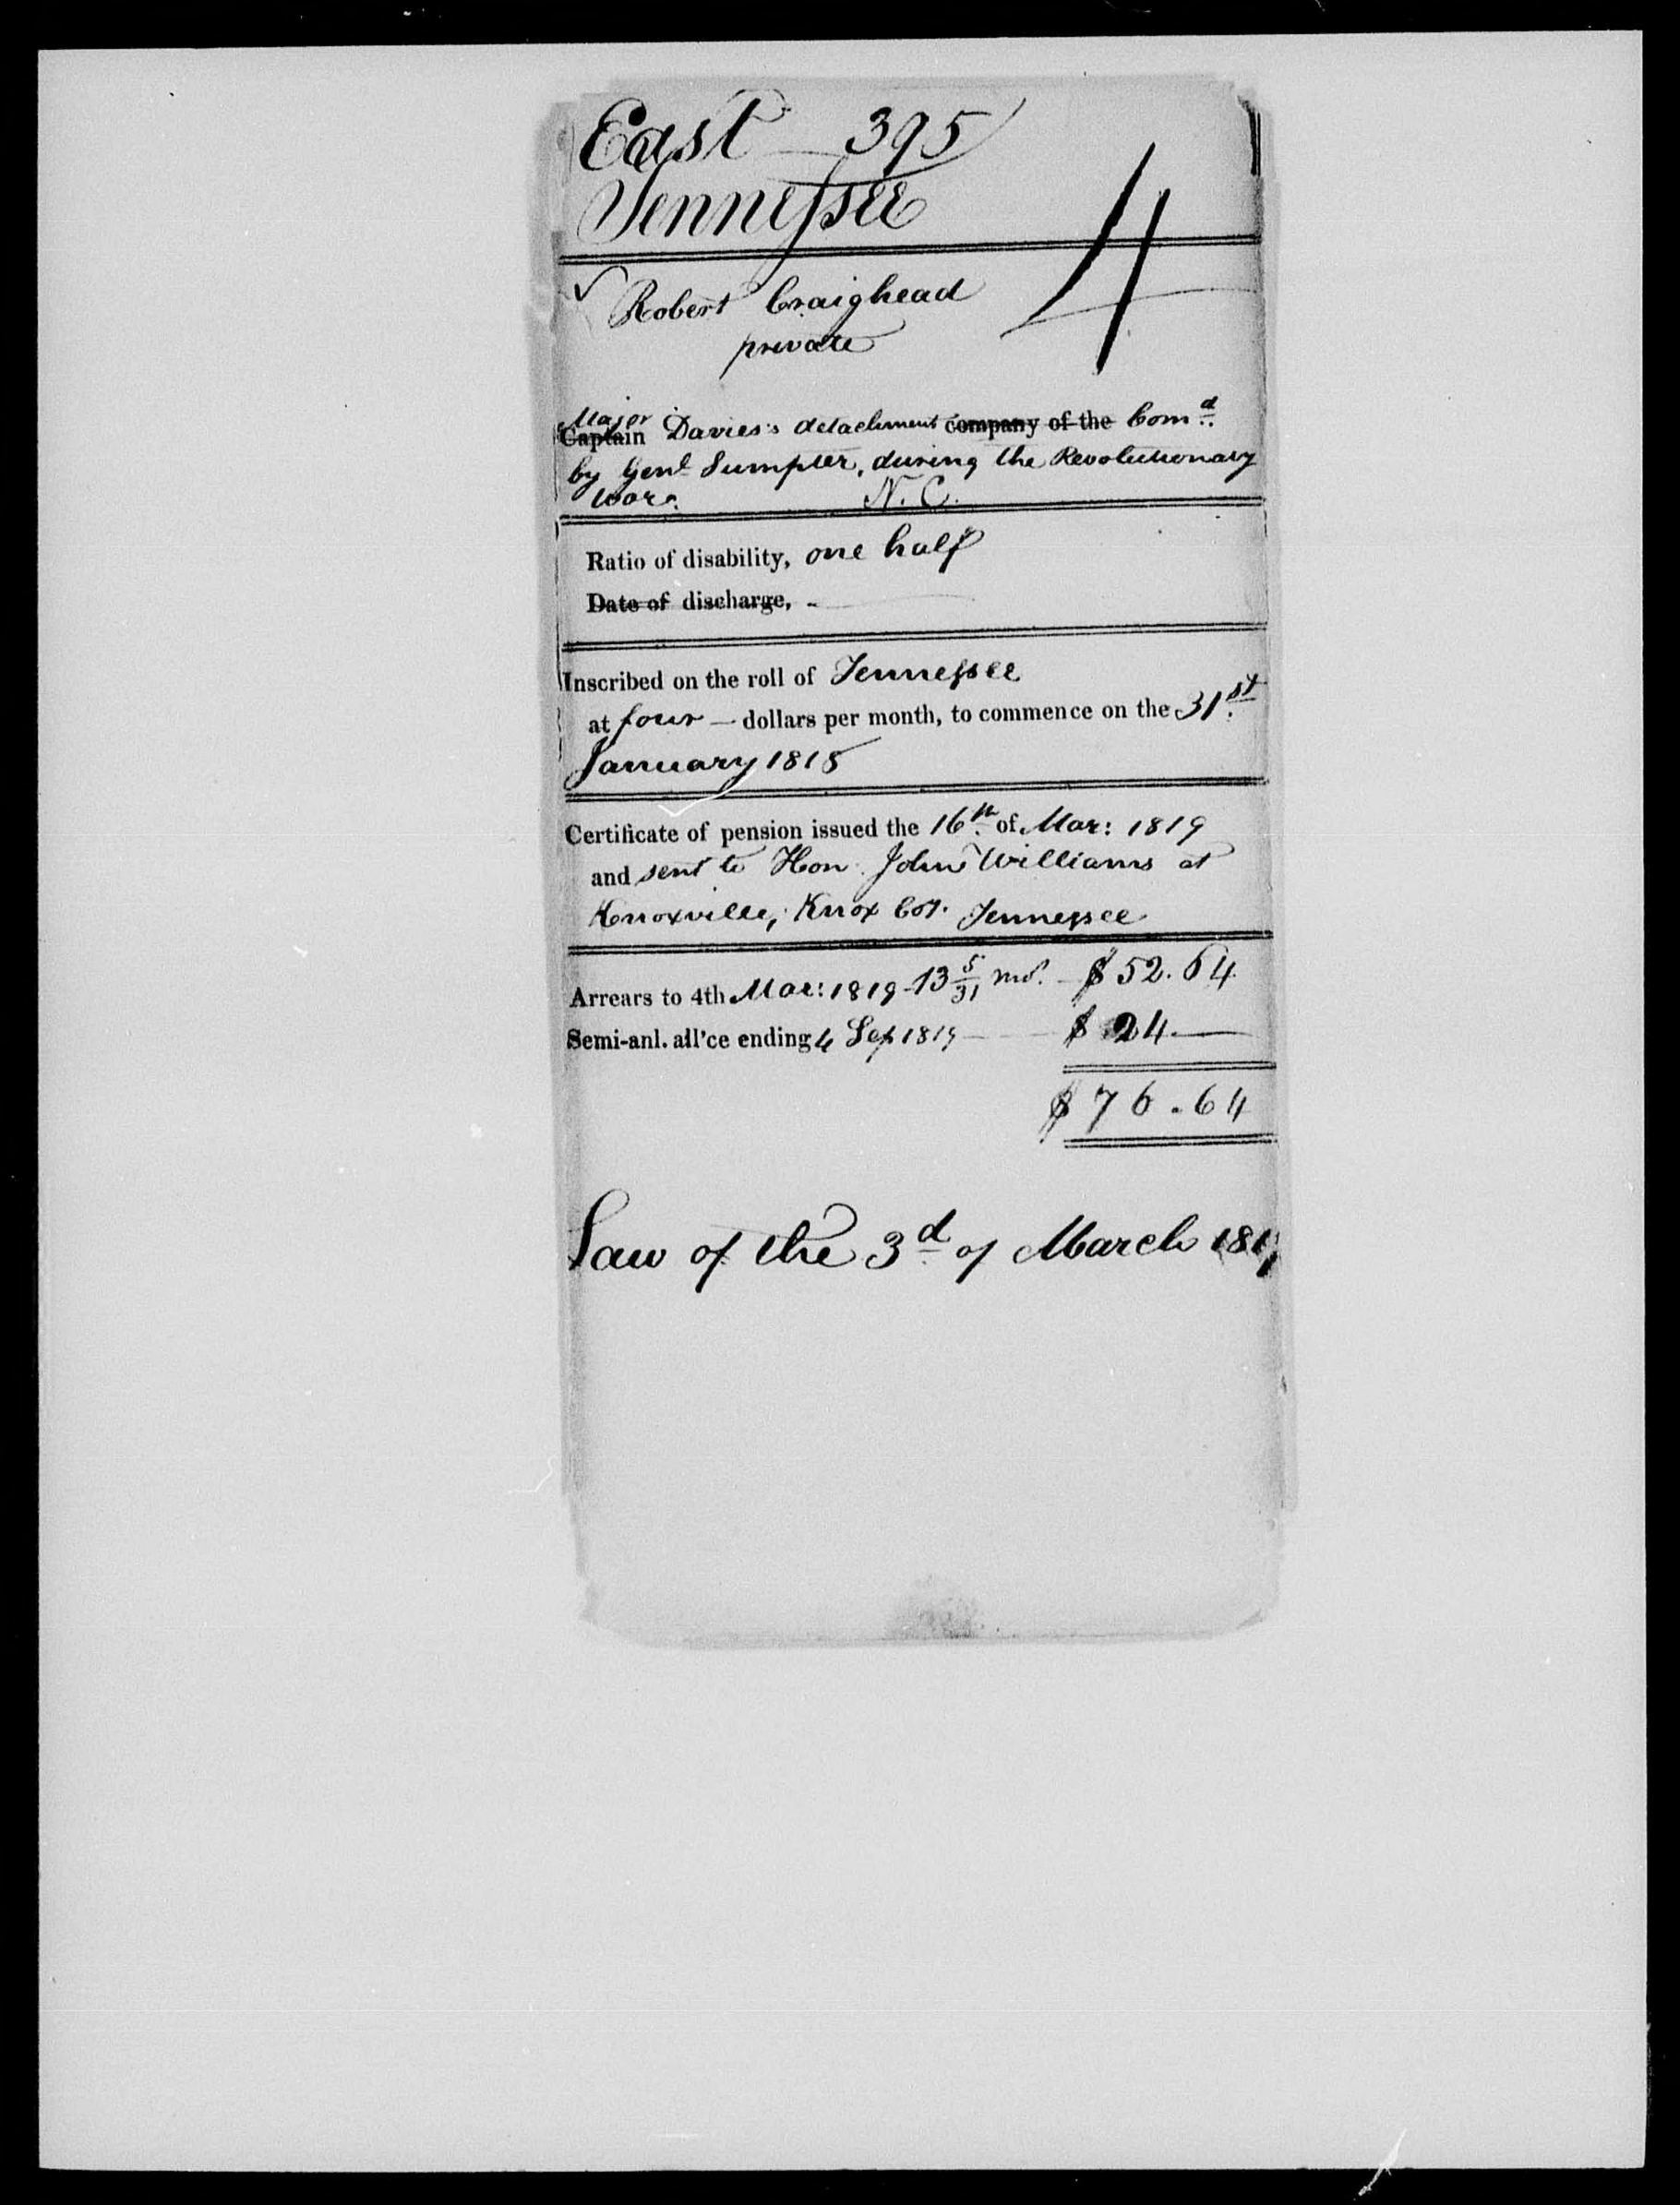East 395
Tennessee
Robert Craighead 4
private
Major Davies's detachment Com
by Genl Sumpter, during the Revolutionary
N.C
__________________________
_________________________

Ratio of disability, one half
_______________________________________
__________________________________________

Inscribed on the roll of Tennessee
at four dollars per month, to commence on the 31st
January 1815
____________________________________________________
______________________________________________________

Certificate of pension issued the 6th of Mar: 1819
and sent to Hon. John Williams at
Knoxville, Knox Co. Tennessee
__________________________________________________
__________________________________________________

Arrears to 4th Mar 1819-13 5/31 mo. - $52.54
Semi-anl all'ce ending 4 Sep 1819 - $24-
$76.64
law of the 3d of March (illegible)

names: Robert Craighead, Davies, Sumpter, John Williams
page: 2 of 26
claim: survivor's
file: S. 352, Robert Craighead, N.C.